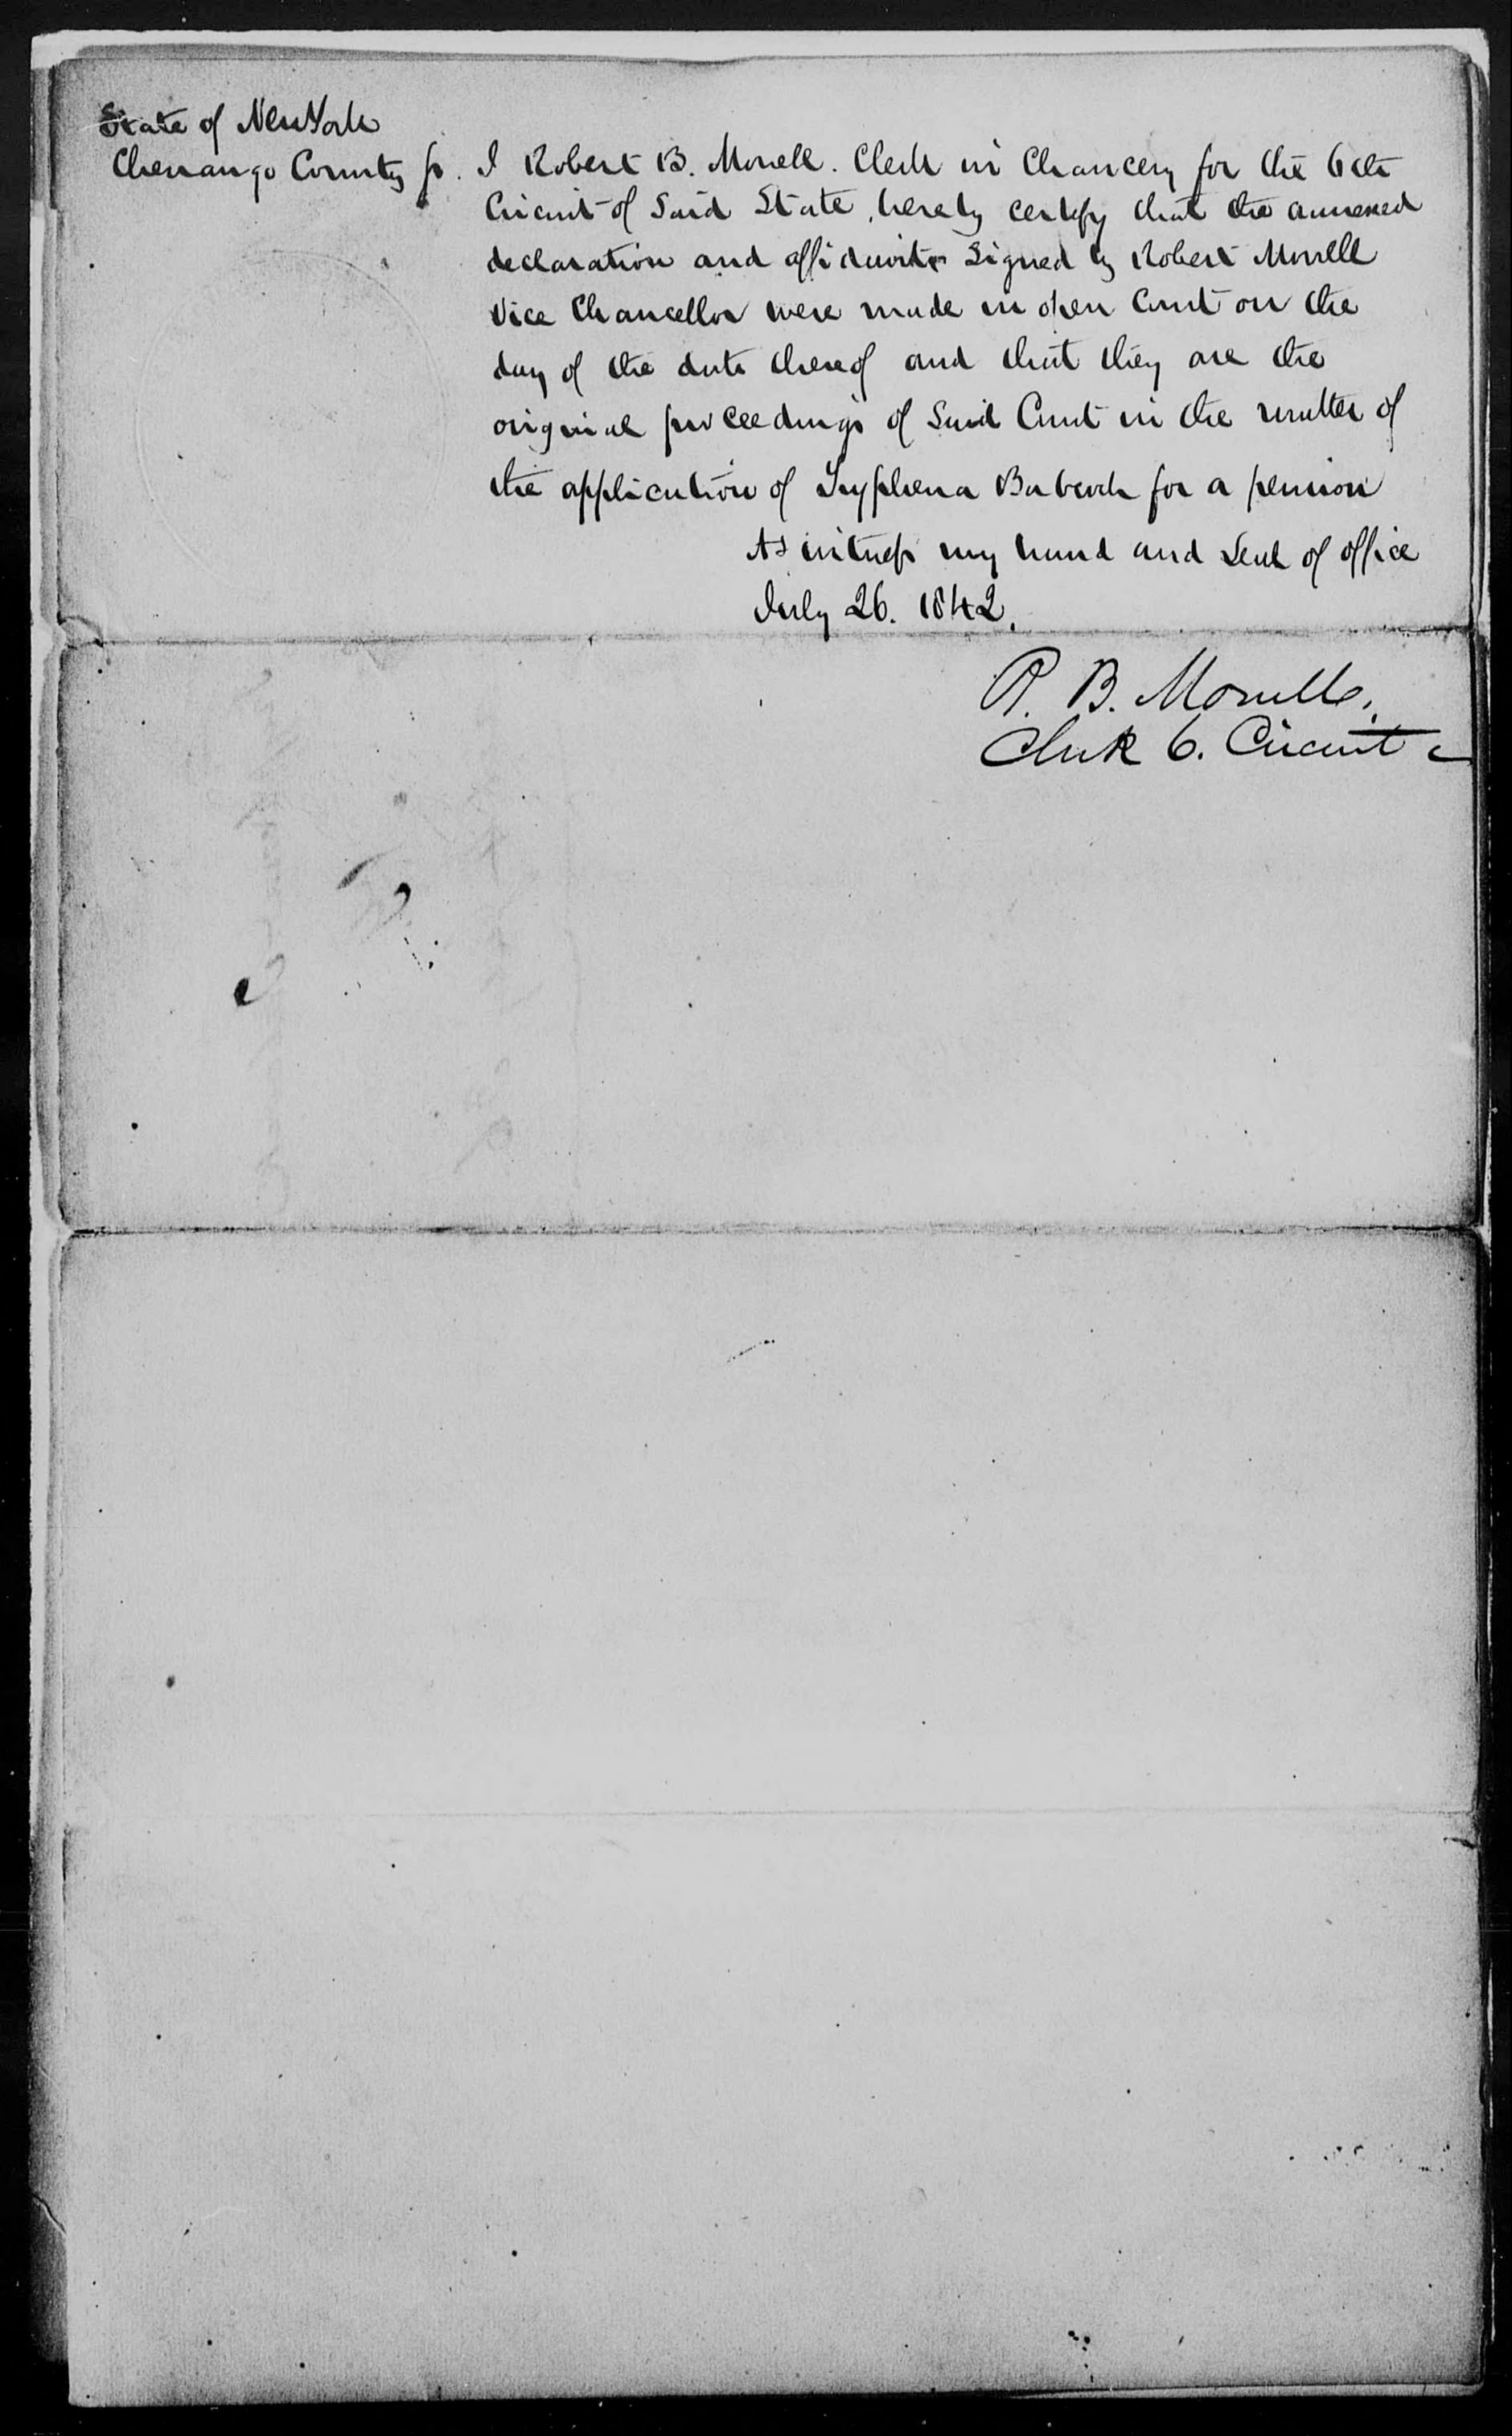I Robert B. Monell, Clerk in Chancery for the 6th Circuit of said State hereby certify that the annexed declaration and affidavit signed to Robert Monell Vice Chancellor were made in open Court on the day of the date thereof and that they are the original proceedings of said Court in the matter of the application of Tryphena Babcock for a pension.   As witness my hand and seal of office July 26. 1842 
R. B. Monell Clerk C. Circuit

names: Robert Monell, R B Monell, Tryphena Babcock, Robert B Monell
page: 8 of 10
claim: rejected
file: R. 345, Daniel Babcock, Conn.